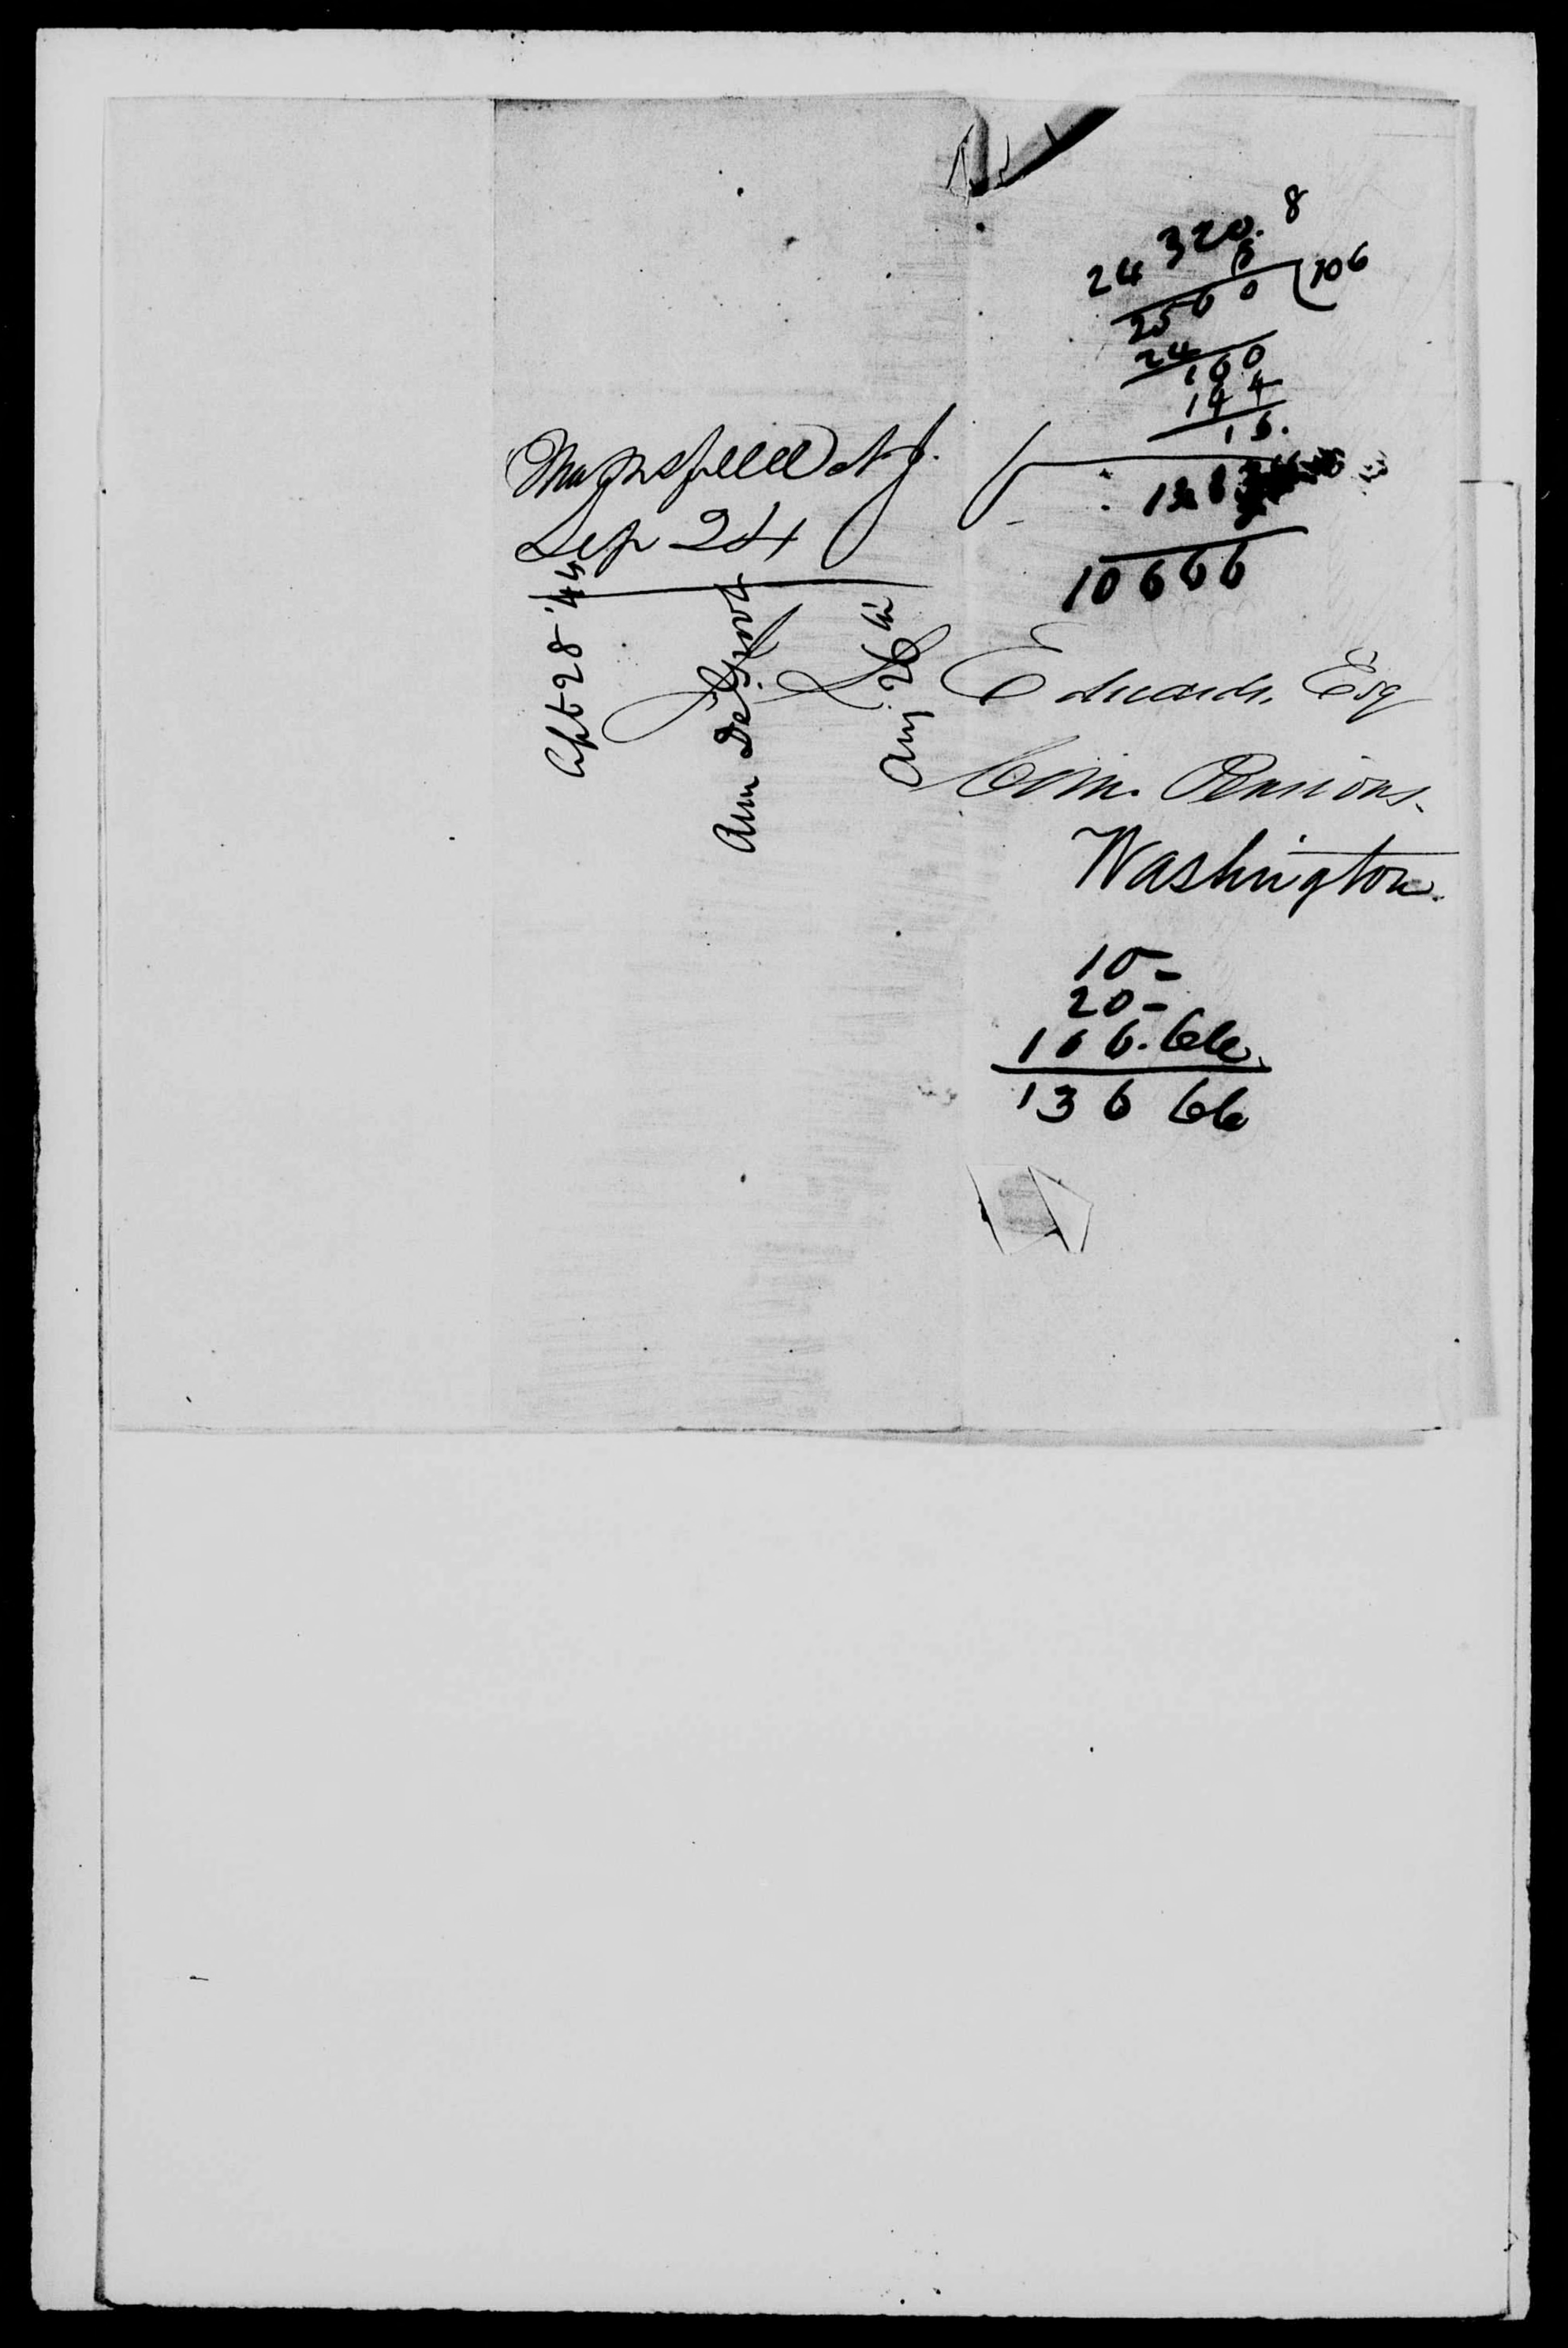Apl 28 '44 Ann De Groot
J. L Edwards, Esq Com. Pensions. Washington
Mansfield N.J. Sep 24
aw 26th
26 320. 8
[division symbol] 106
2560
24
[line]
160
144
[line]
16
[illegible]
[line]
106 66

10-
20-
106.66
[line]
136 66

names: Ann De Groot, J L Edwards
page: 34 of 77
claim: widow's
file: W. 417, William De Groot, New Jersey